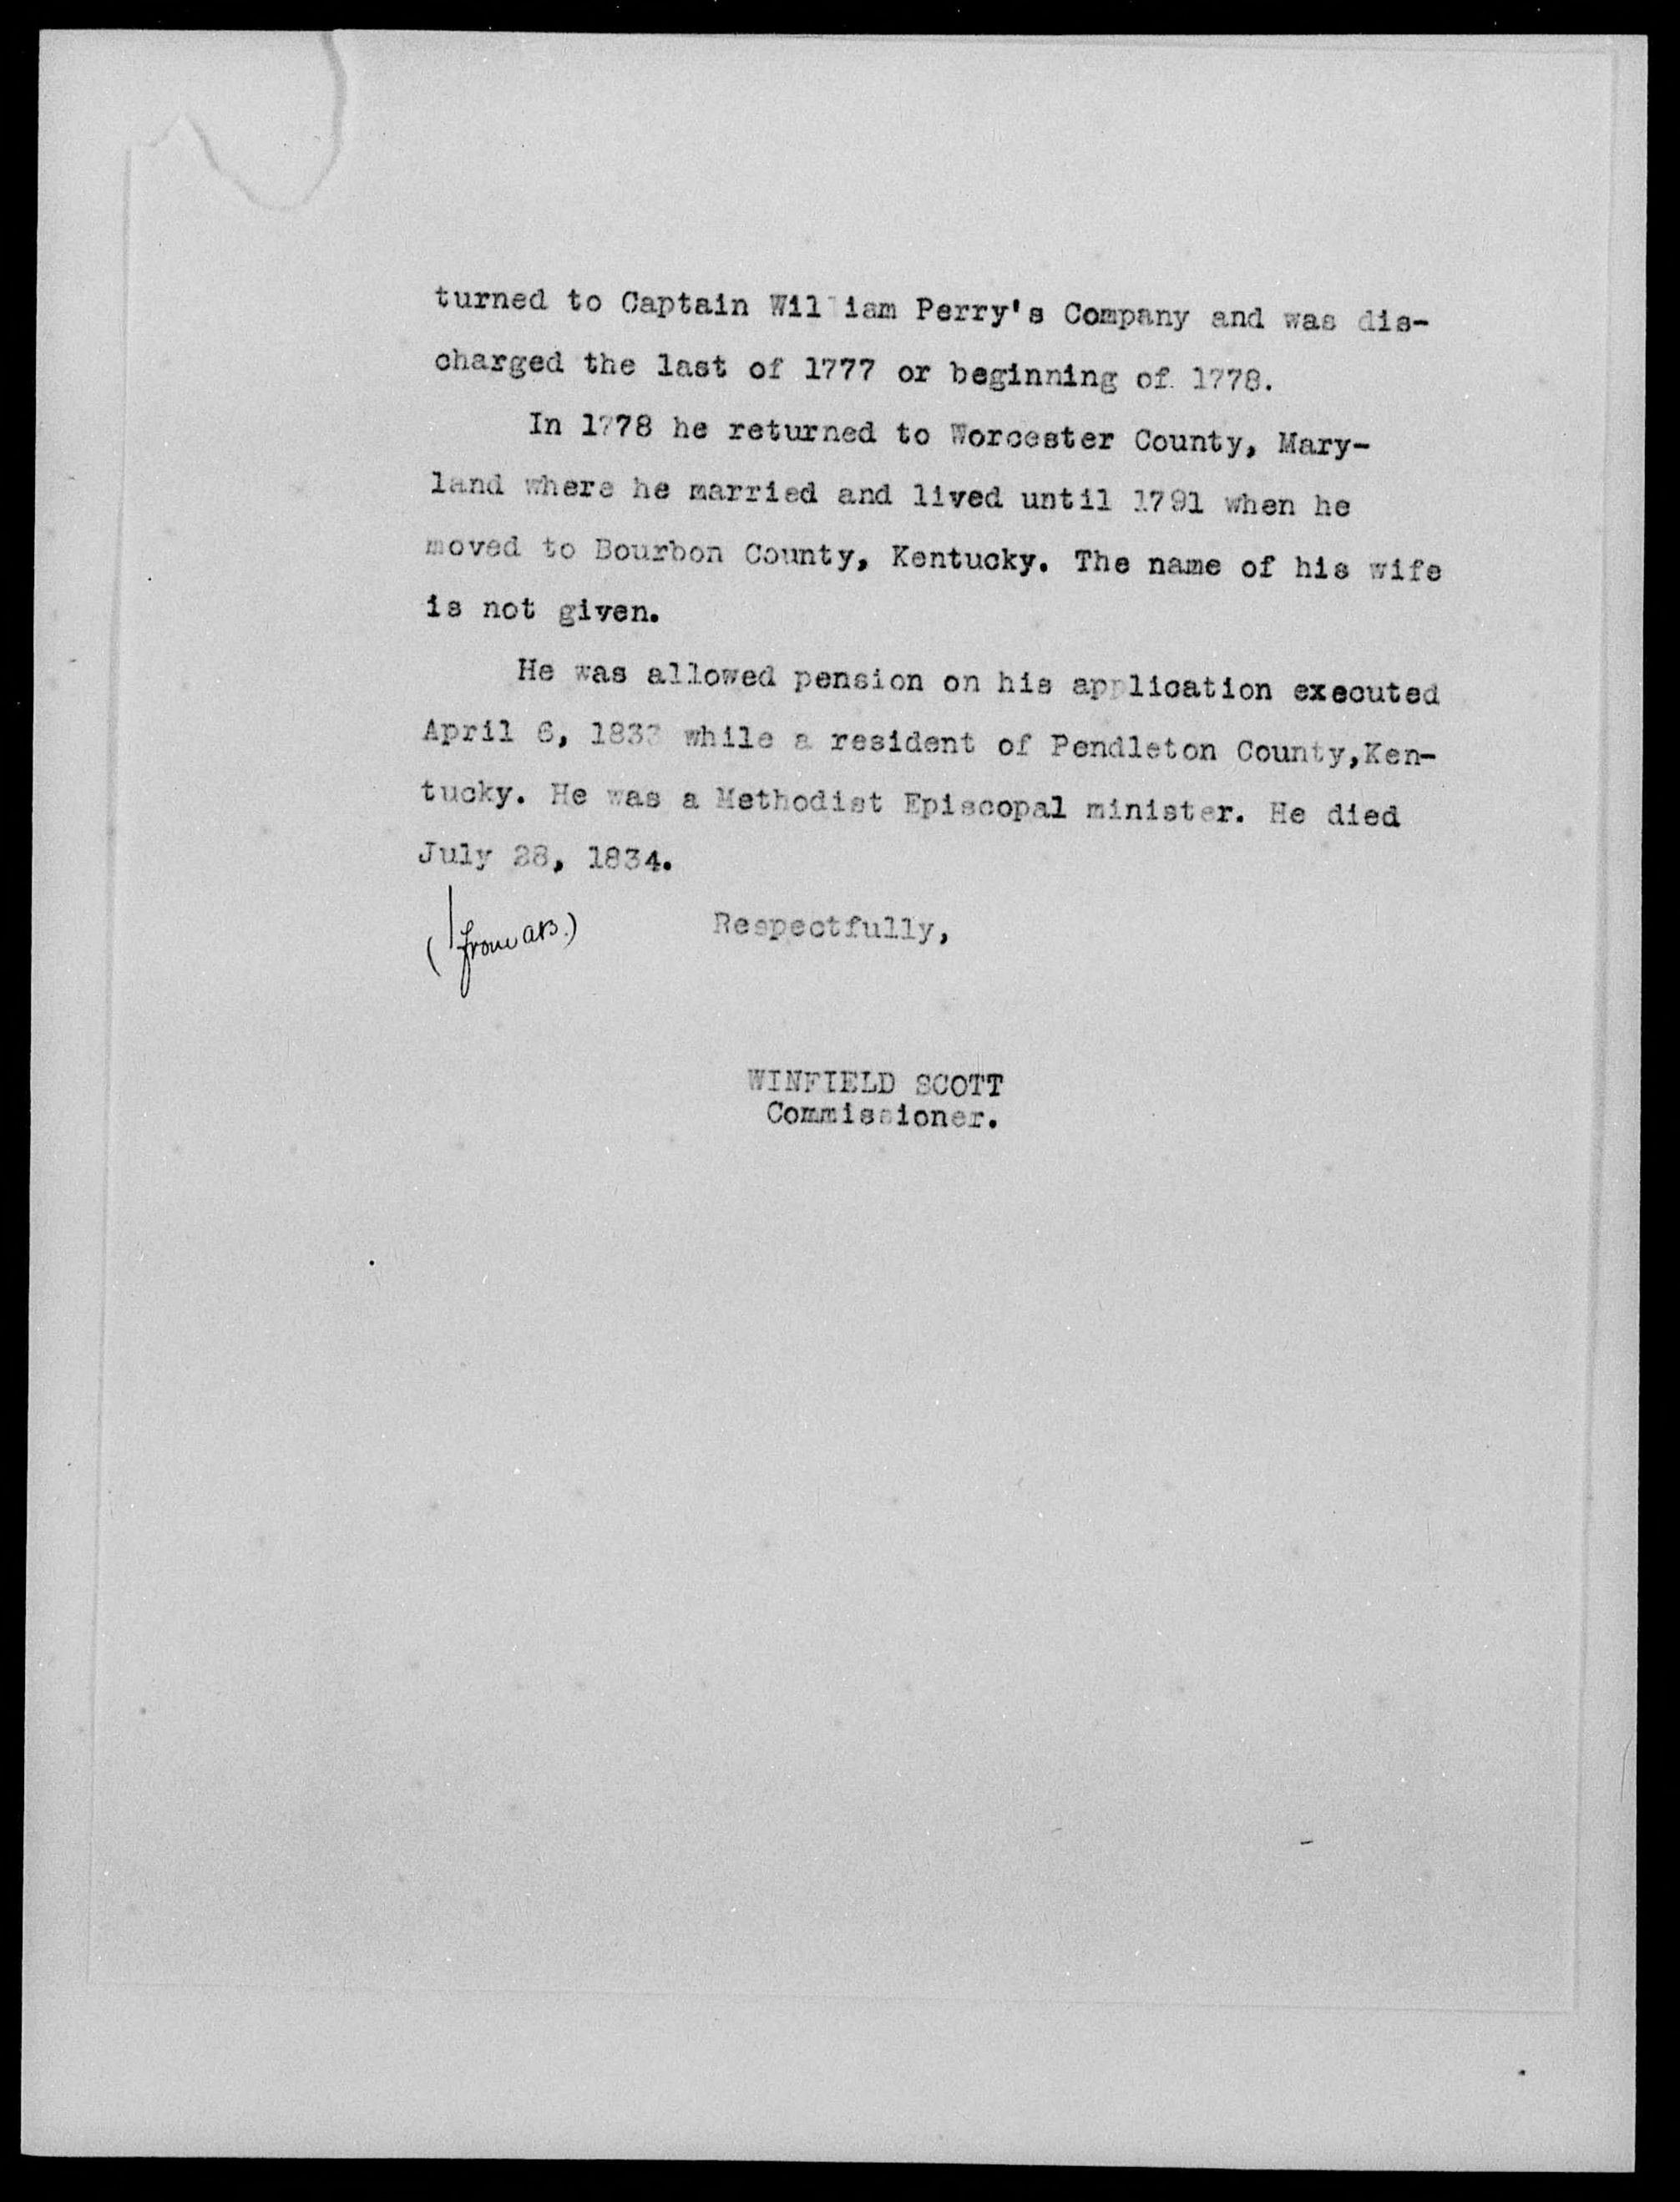turned to Captain William Perry's Company and was discharged
the last of 1777 or beginning of 1778.
In 1778 he returned to Worcester County, Maryland 
where he married and lived until 1791 when he
moved to Bourbon County, Kentucky. The name of his wife
is not given.
He was allowed pension on his application executed
April 6, 1833 while a resident of Pendleton County, Kentucky. 
He was a Methodist Episcopal minister. He died
July 28, 1834.
[handwritten "from" illegible]
Respectfully,
WINFIELD SCOTT
Commissioner.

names: Winfield Scott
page: 16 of 25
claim: survivor's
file: S. 13789, for Samuel Lockwood, Delaware